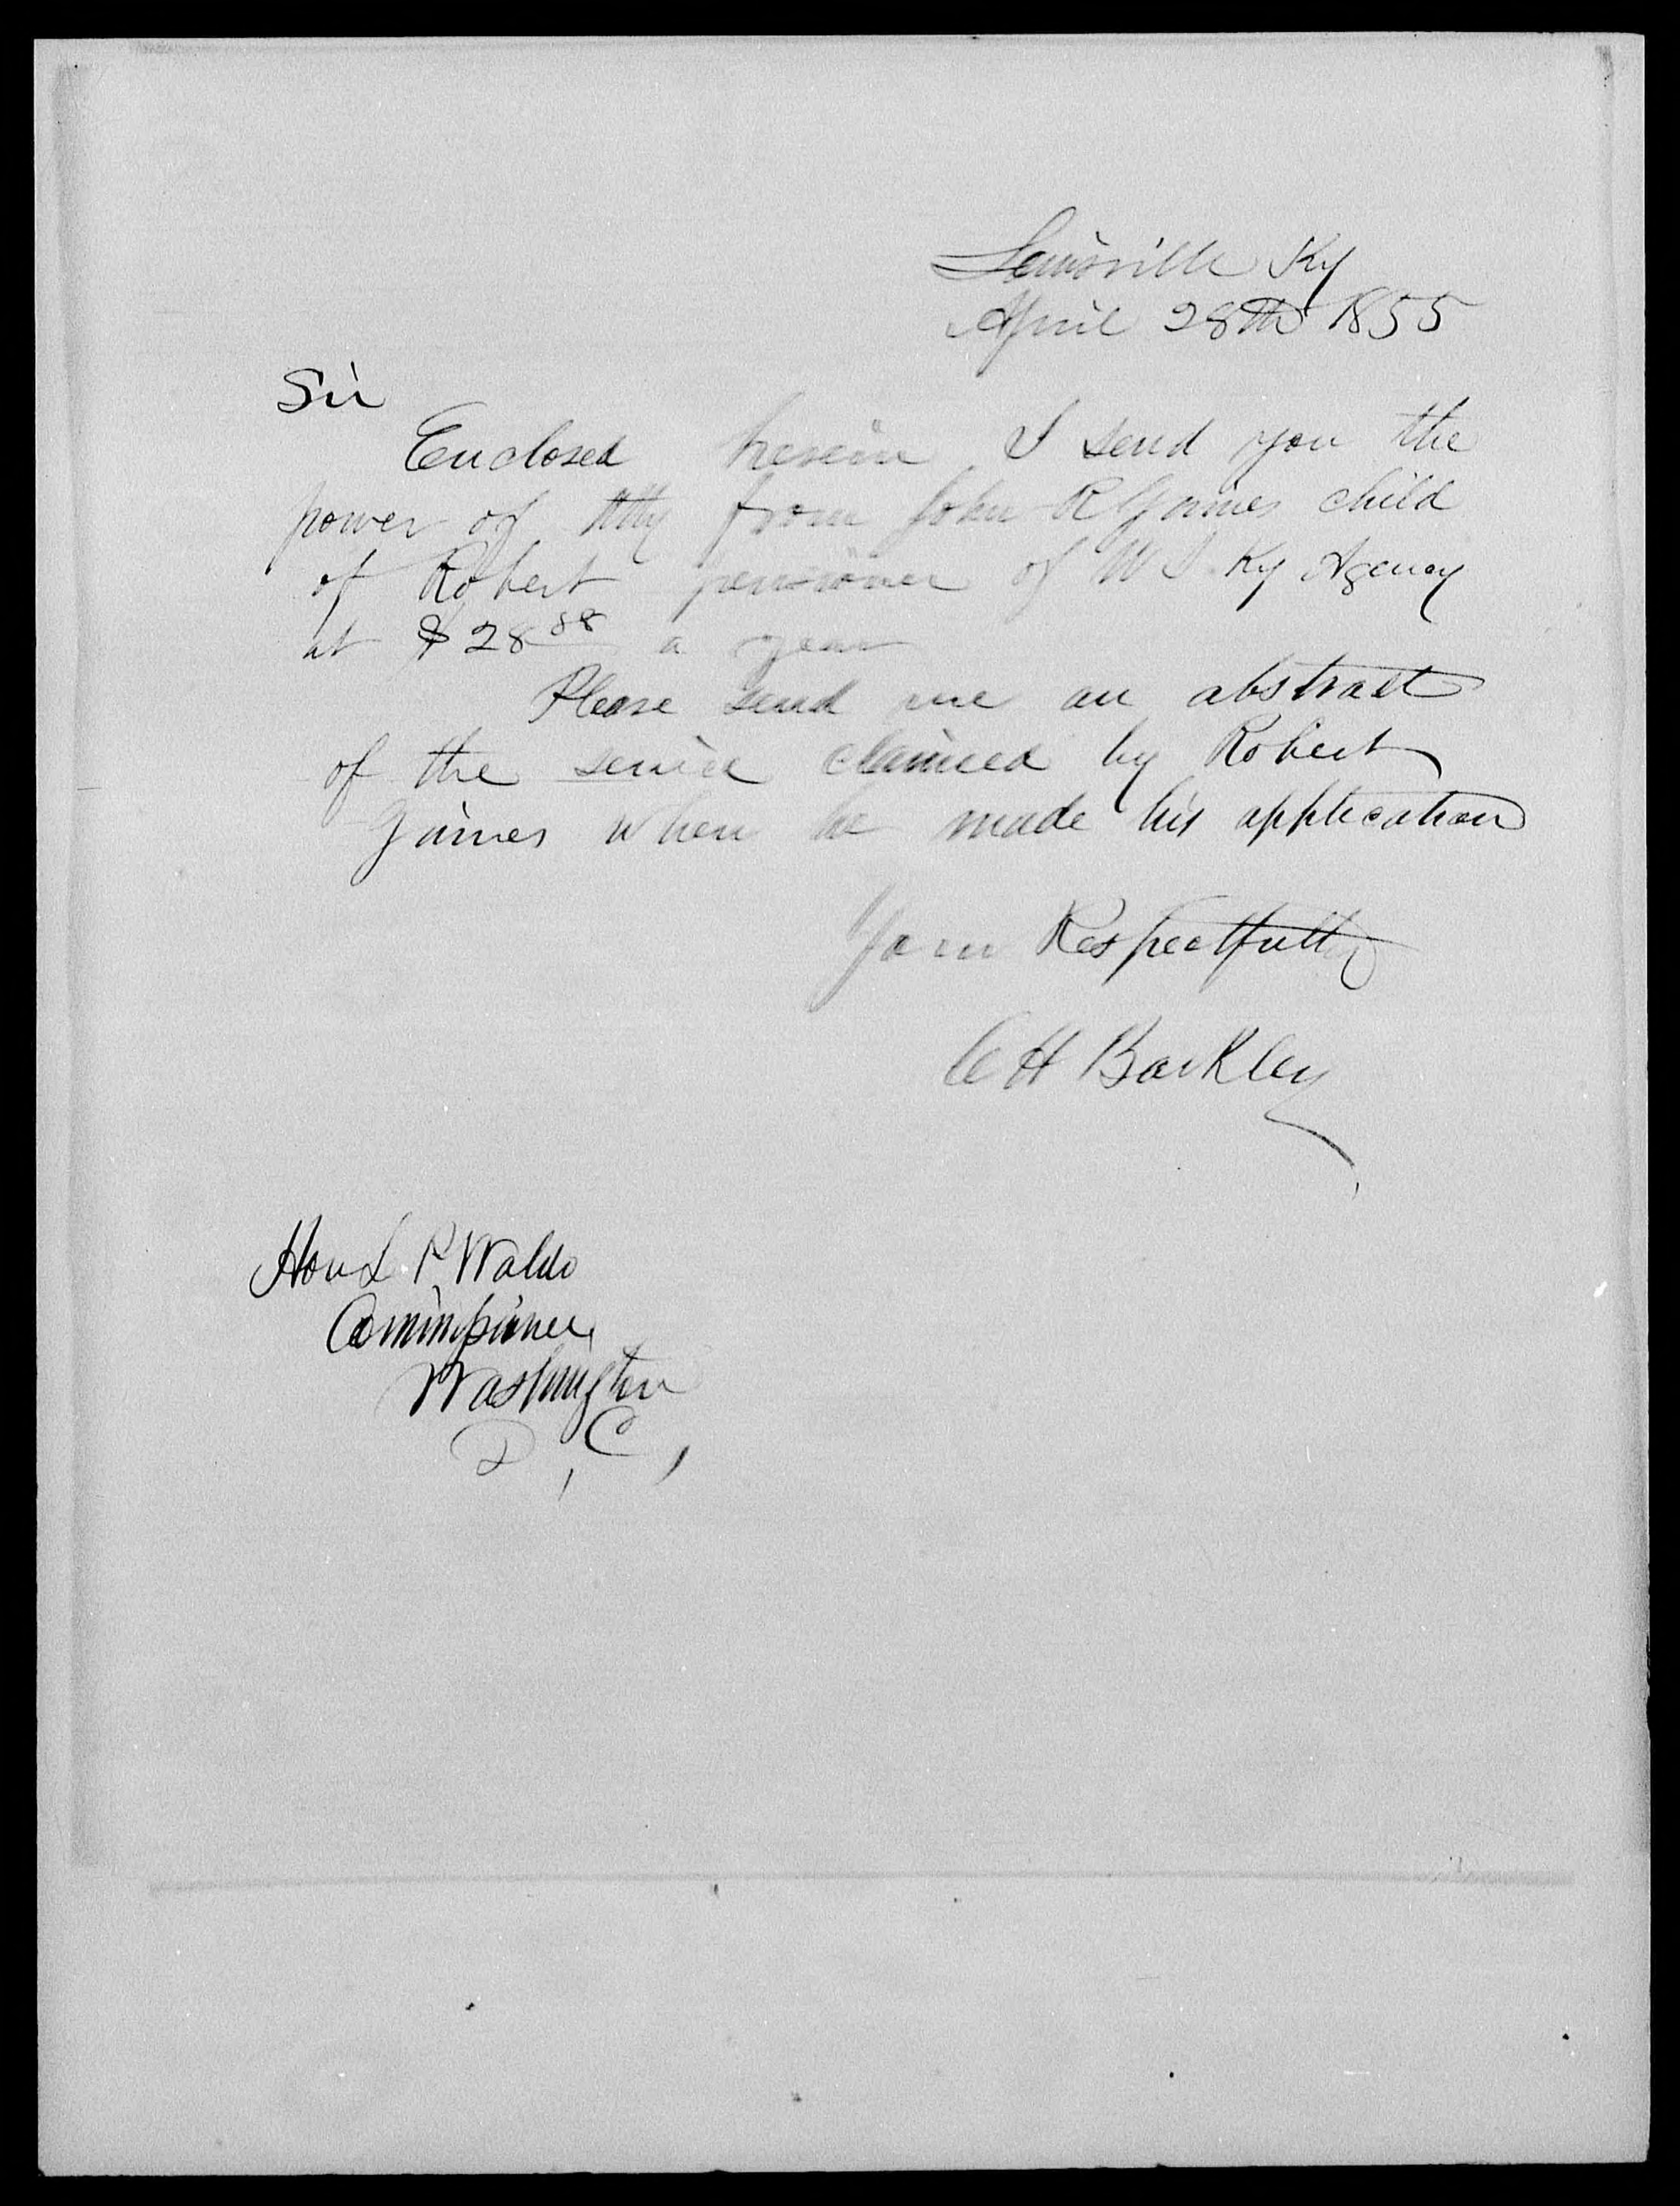Louisville Ky
April 28th 1855
Sir
Enclosed herein I send you the
power of Atty from John R Gaines child
of Robert pensioner of W J Ky Agency
at $28.88 a year
Please send me an abstract
of the service claimed by Robert
Gaines when he made his application
Yours Respectfully
C H Barkley

Hon. J. Minot
Commissioner
Washington
D.C.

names: L P Waldo, John R Gaines, C H Barkley, Robert, Robert Gaines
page: 70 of 79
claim: rejected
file: R. 3863, Robert Gaines, Va.